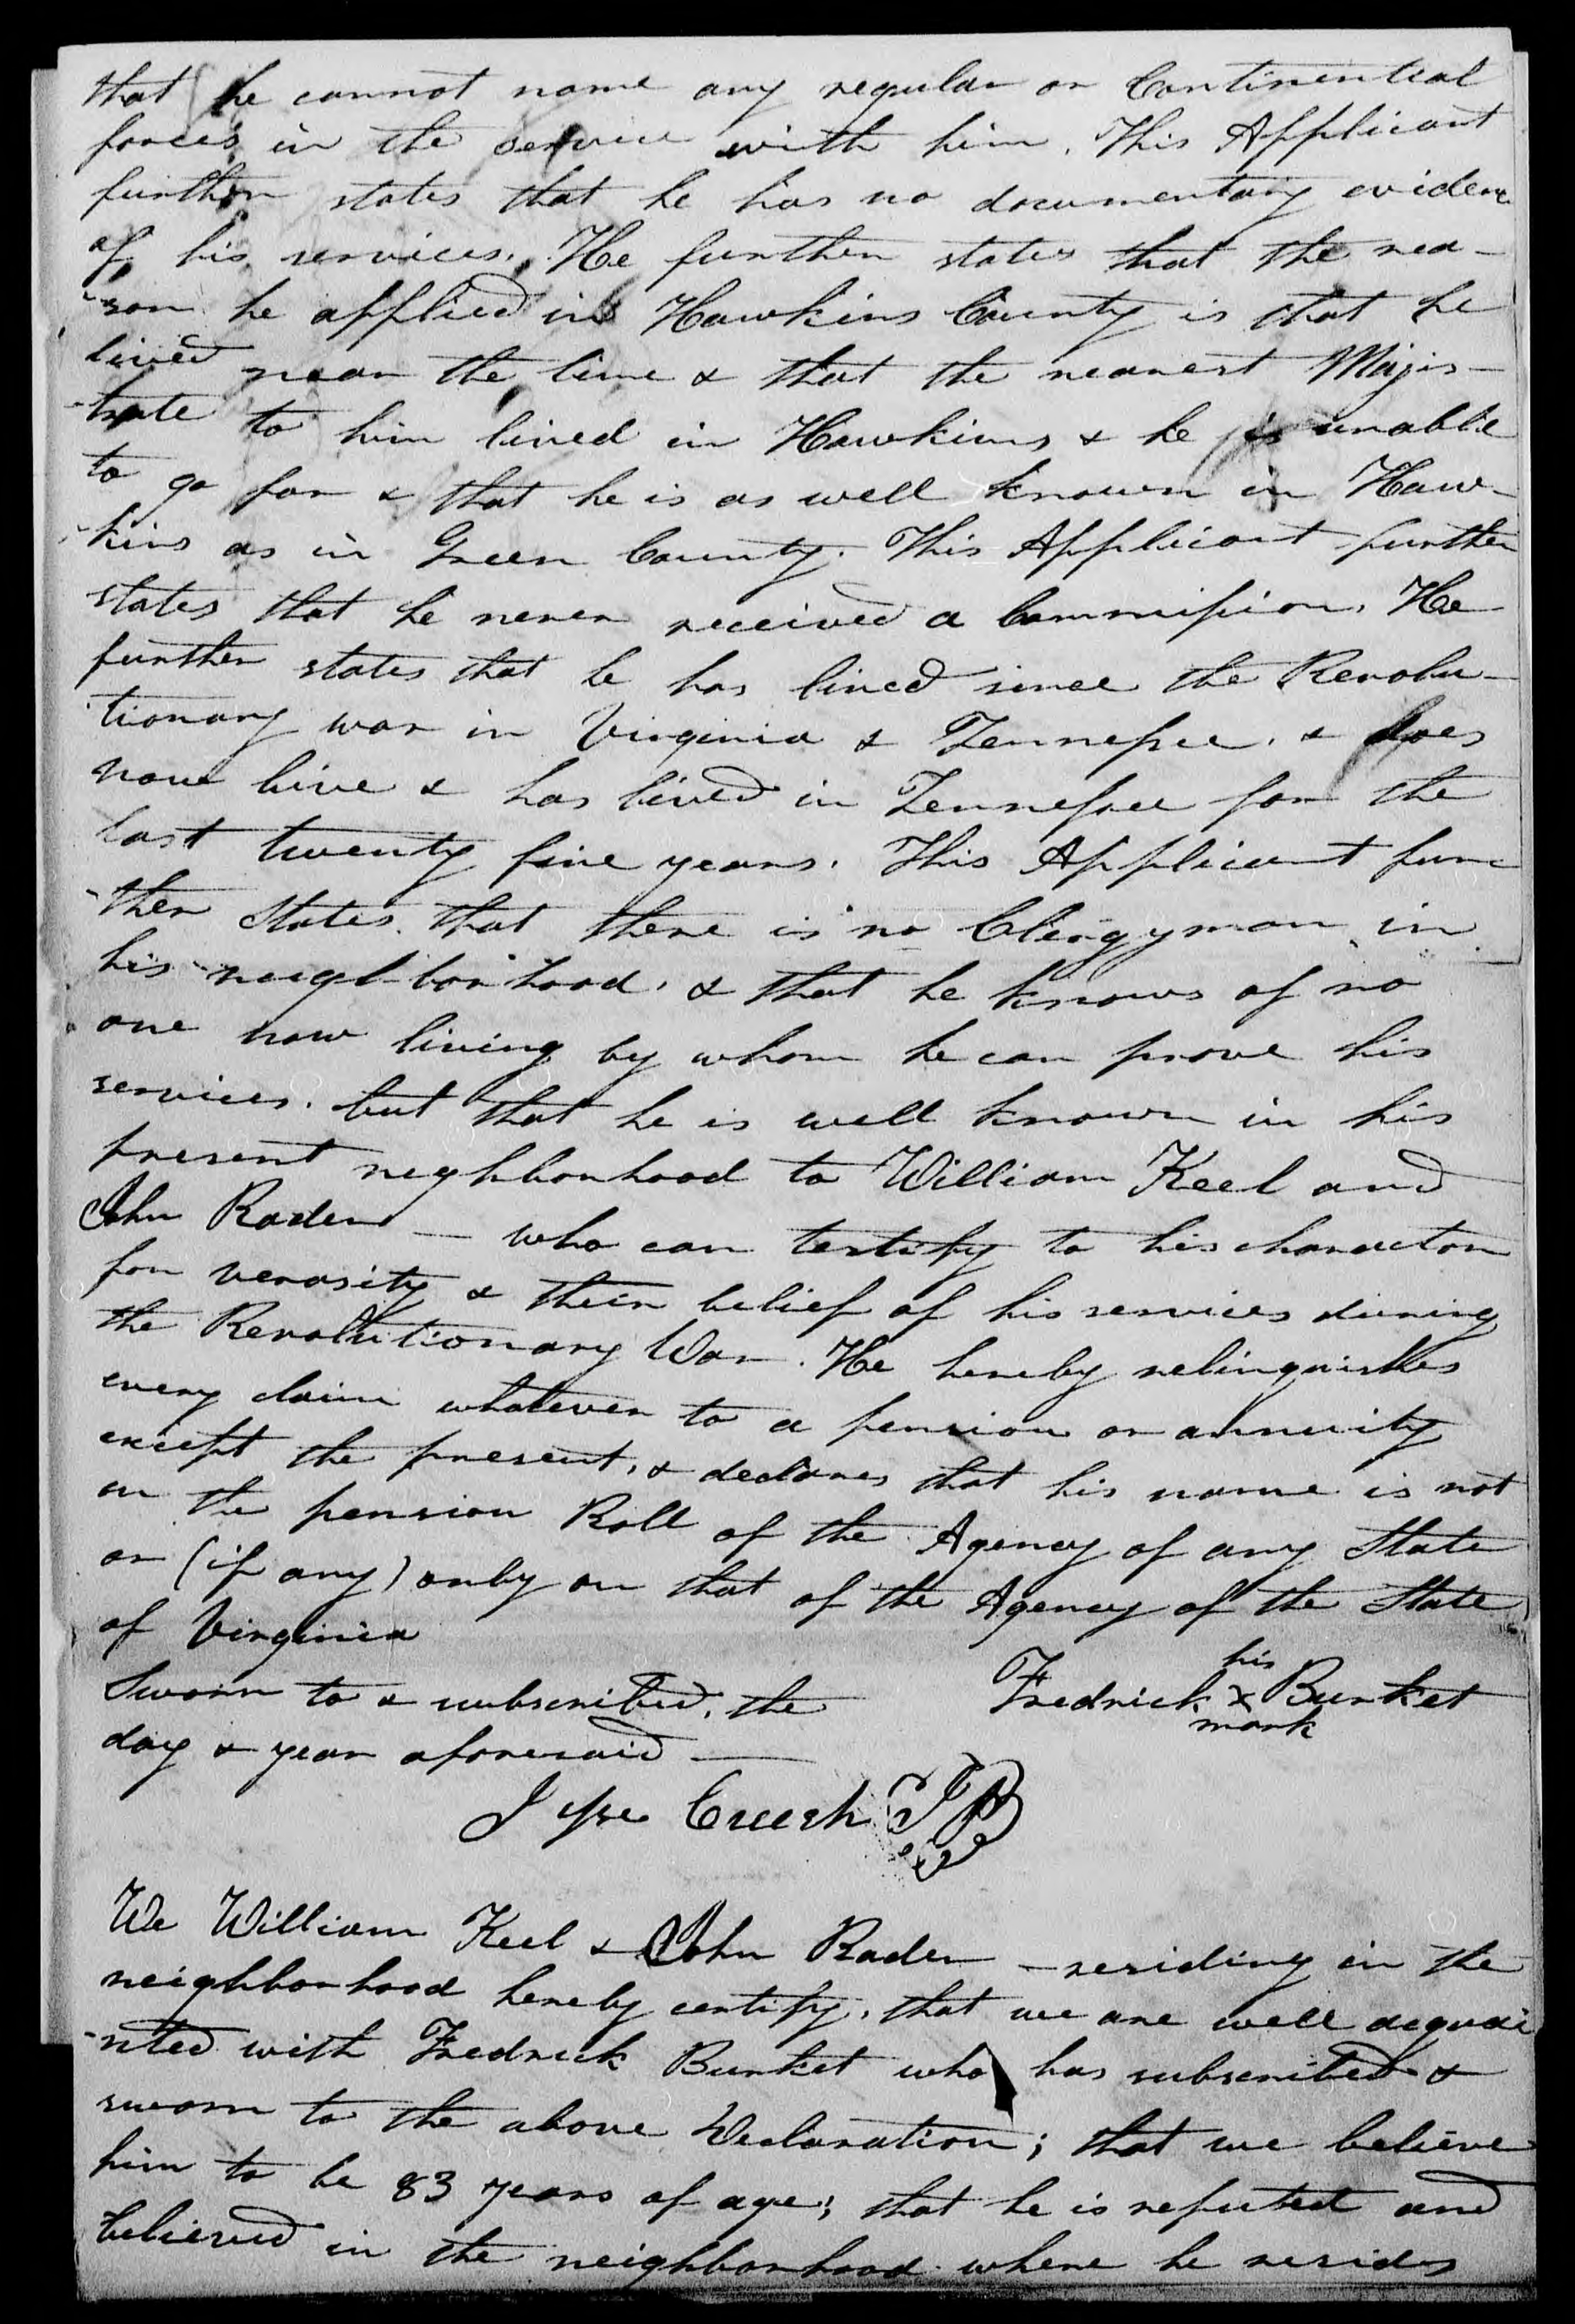that he cannot name any regular or Continential (sic) forces in the service with him  This Applicant further states that he has no documentary evidence of his services.  He further states that the reason he applied in Hawkins County is that he lived near the line & that the nearest Magistrate to him lived in Hawkins & he is unable to go far & that he is as well known in Hawkins as in Green County.  This Applicant further states that he never received a Commission.  He further states that he has lived since the Revolutionary war in Virginia & Tennessee & does now live & has lived in Tennessee for the last twenty five years.  This Applicant further states that there is no Clergyman in his neighborhood & that he knows of no one now living by whom he can prove his services but that he is well known in his present neighborhood to William Keel and John Rader – who can testify to his character and veracity & their belief of his services during the Revolutionary War.  He hereby relinquishes every claim whatever to a pension or annuity except the present, & declares that his name is not on the pension Roll of the Agency of any State or (if any) only on that of the Agency of the State of Virginia
Fredrick X Burket
(X is his mark)
Sworn to & subscribed the day & year aforesaid –
Jesse Creech JP (Seal)

We William Keel & John Rader residing in the neighborhood hereby certify, that we are well acquainted with Fredrick Burket who has subscribed & sworn to the above Declaration; that we believe him to be 83 years of age; that he is refuted and believed in the neighborhood where he resides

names: Fredrick Burket, John Rader, John Rader, William Keel, Fredrick Burket, Jesse Creech, William Keel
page: 33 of 47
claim: survivor's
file: S. 3102, Frederick Burket, Va.